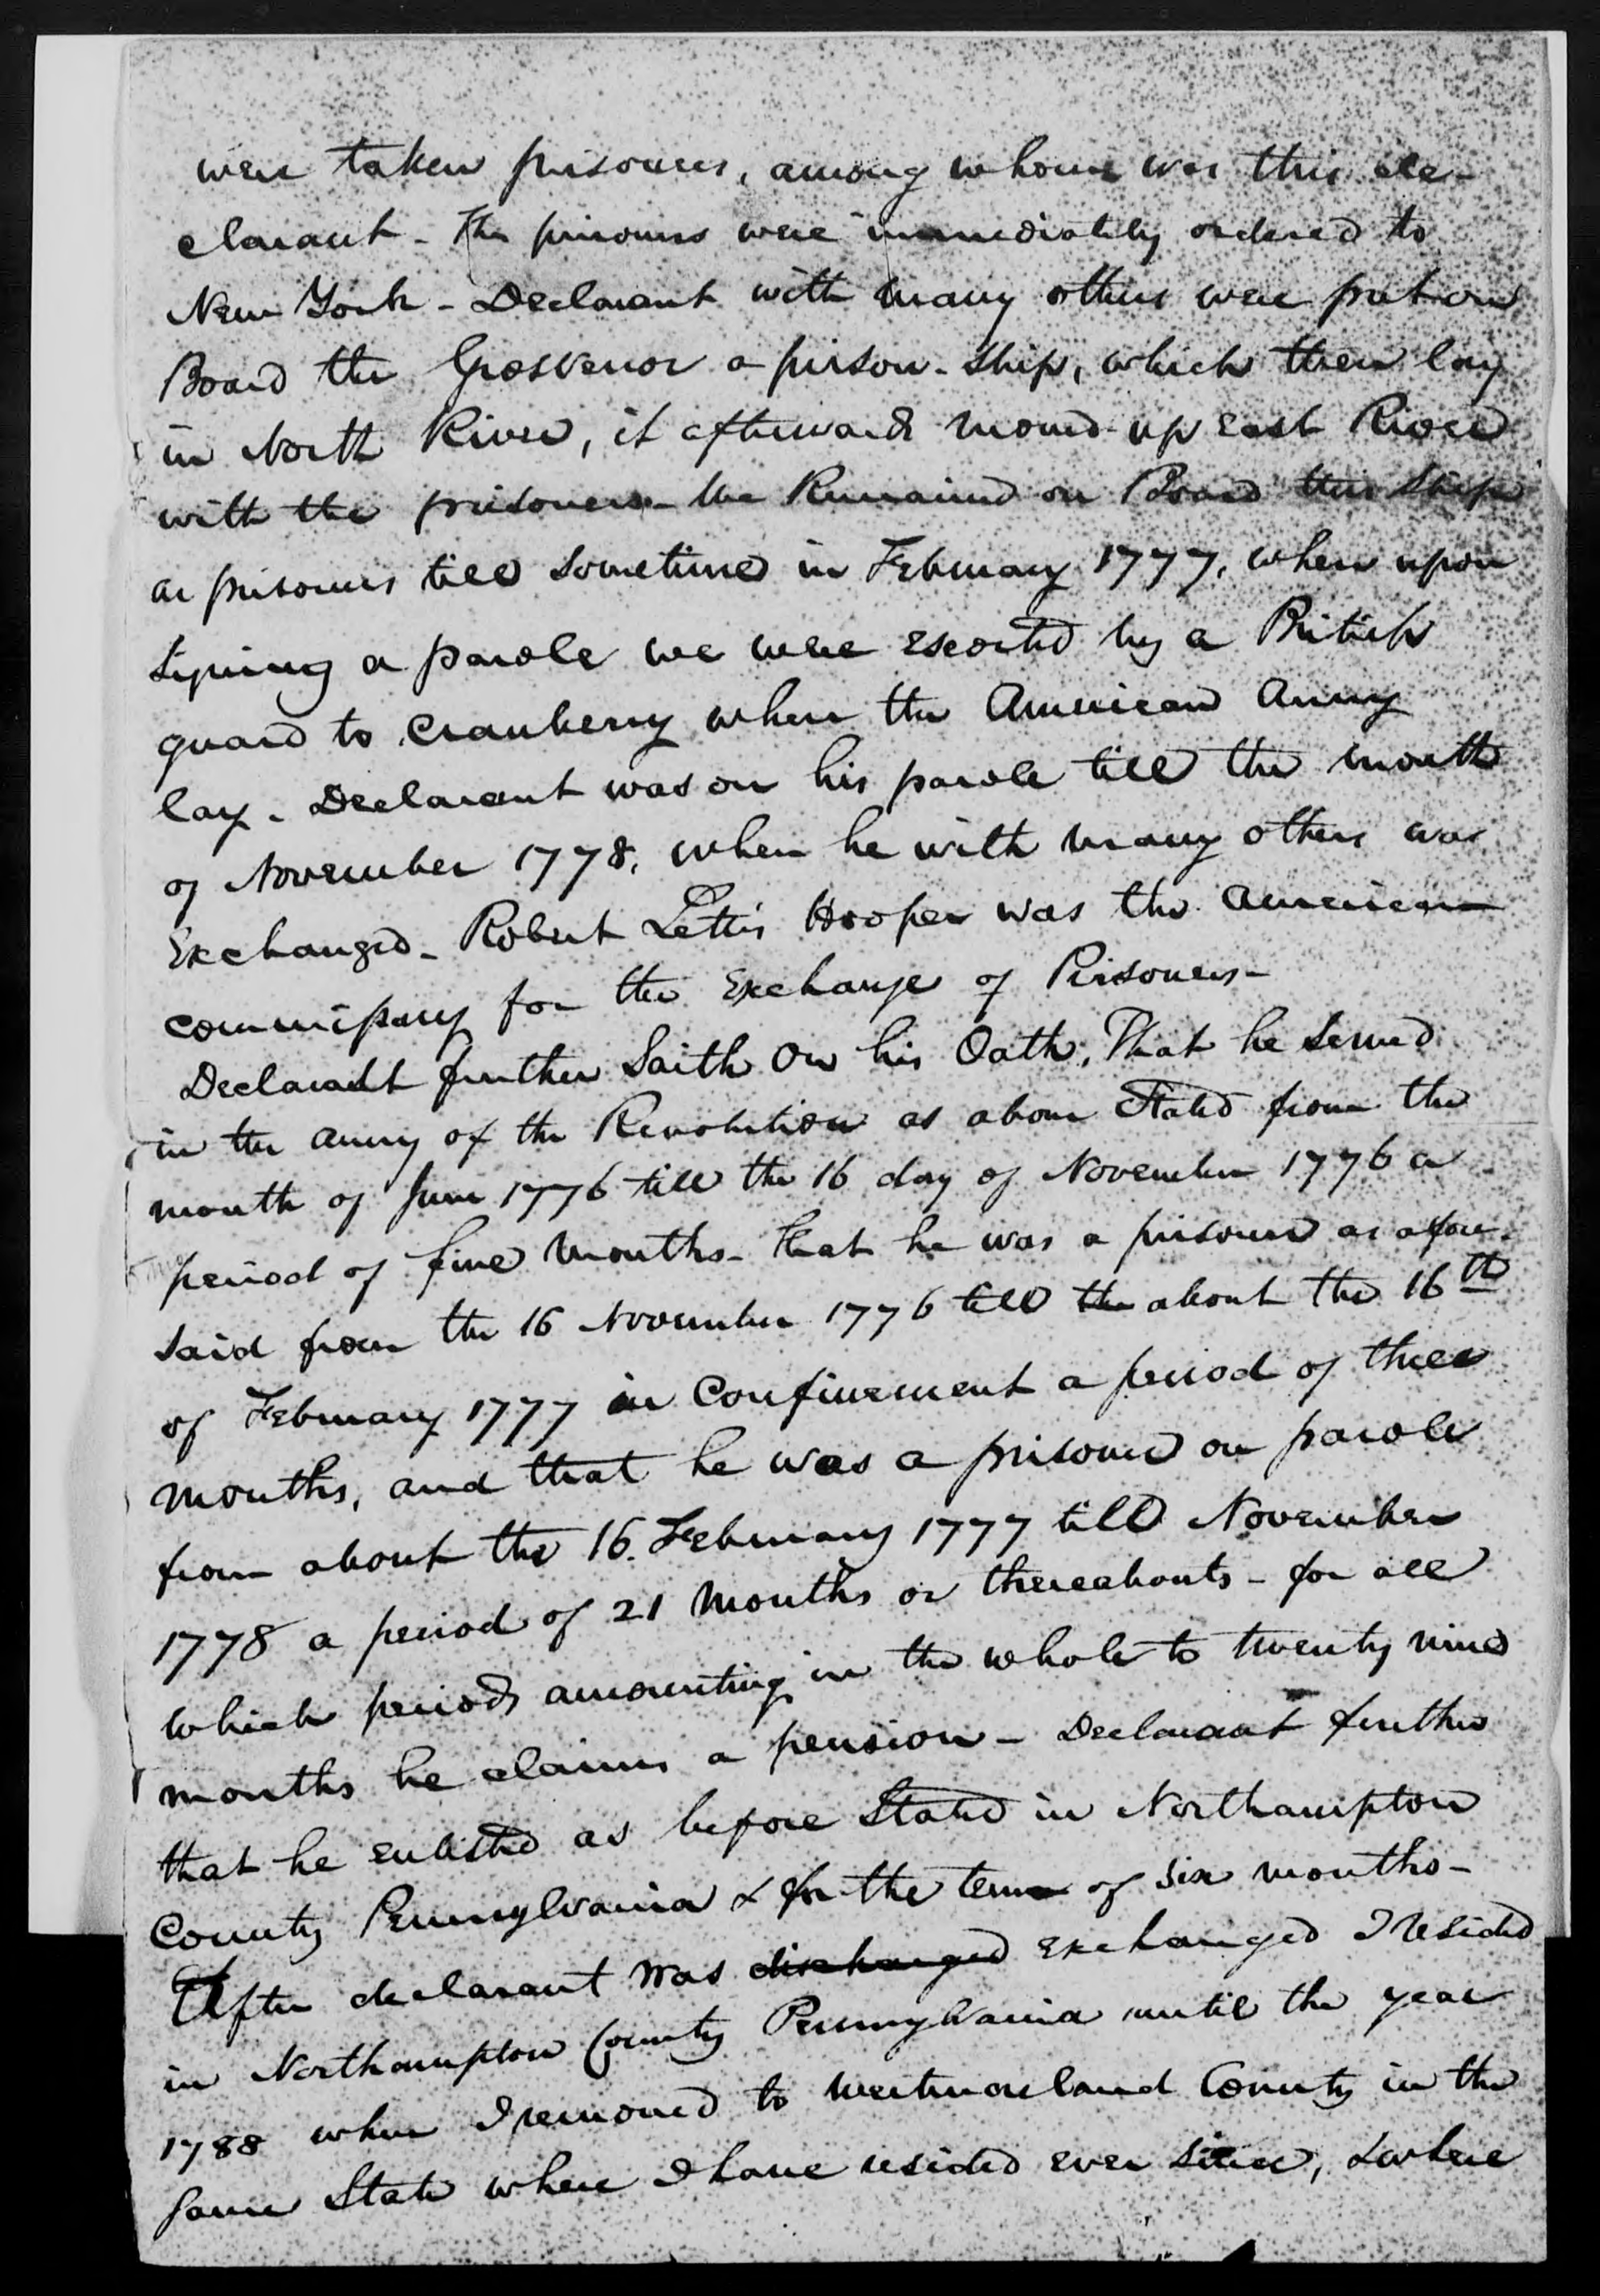were taken prisoner, among whom was this declarant. The prisoners were immediately ordered to New York. Declarant with many others was put on board the Grosvenor a prison ship, which then pay in North River, it afterward moved up East River with the prisoners. We remained on board the ships as prisoners till sometime in February 1777 when upon signing a parole we were escorted by a British guard to Cranberry where the American Army lay. Declarant was on his parole till the month of November 1778, when he with many others was exchanged. Robert Lettis Hooper was the American Commissary for the exchange of prisoners.  
Declarant further saith on his oath that he served in the army of the Revolution as above stated from the month of June 1776 till the 16 day of November 1776 a period of five months. That he was a prisoner as aforesaid from the 16 November 1776 till about the 16th of February 1777 in confinement a period of three months, and that he was a prisoner on parole from about the 16 February 1777 till November 1778 a period of 21 months or thereabouts - for all which period amounting in the whole to twenty nine months he claims a pension. Declarant further that he stated as before states in Northampton County Pennsylvania & for the term of six months. After declarant was exchanged resided in Northampton County Pennsylvania until the year 1788 when I removed to Westmoreland County in the same state where I have resided ever since, & where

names: Robert Lettis Hooper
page: 6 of 24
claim: survivor's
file: S. 2032, Henry Allshouse, Penn.